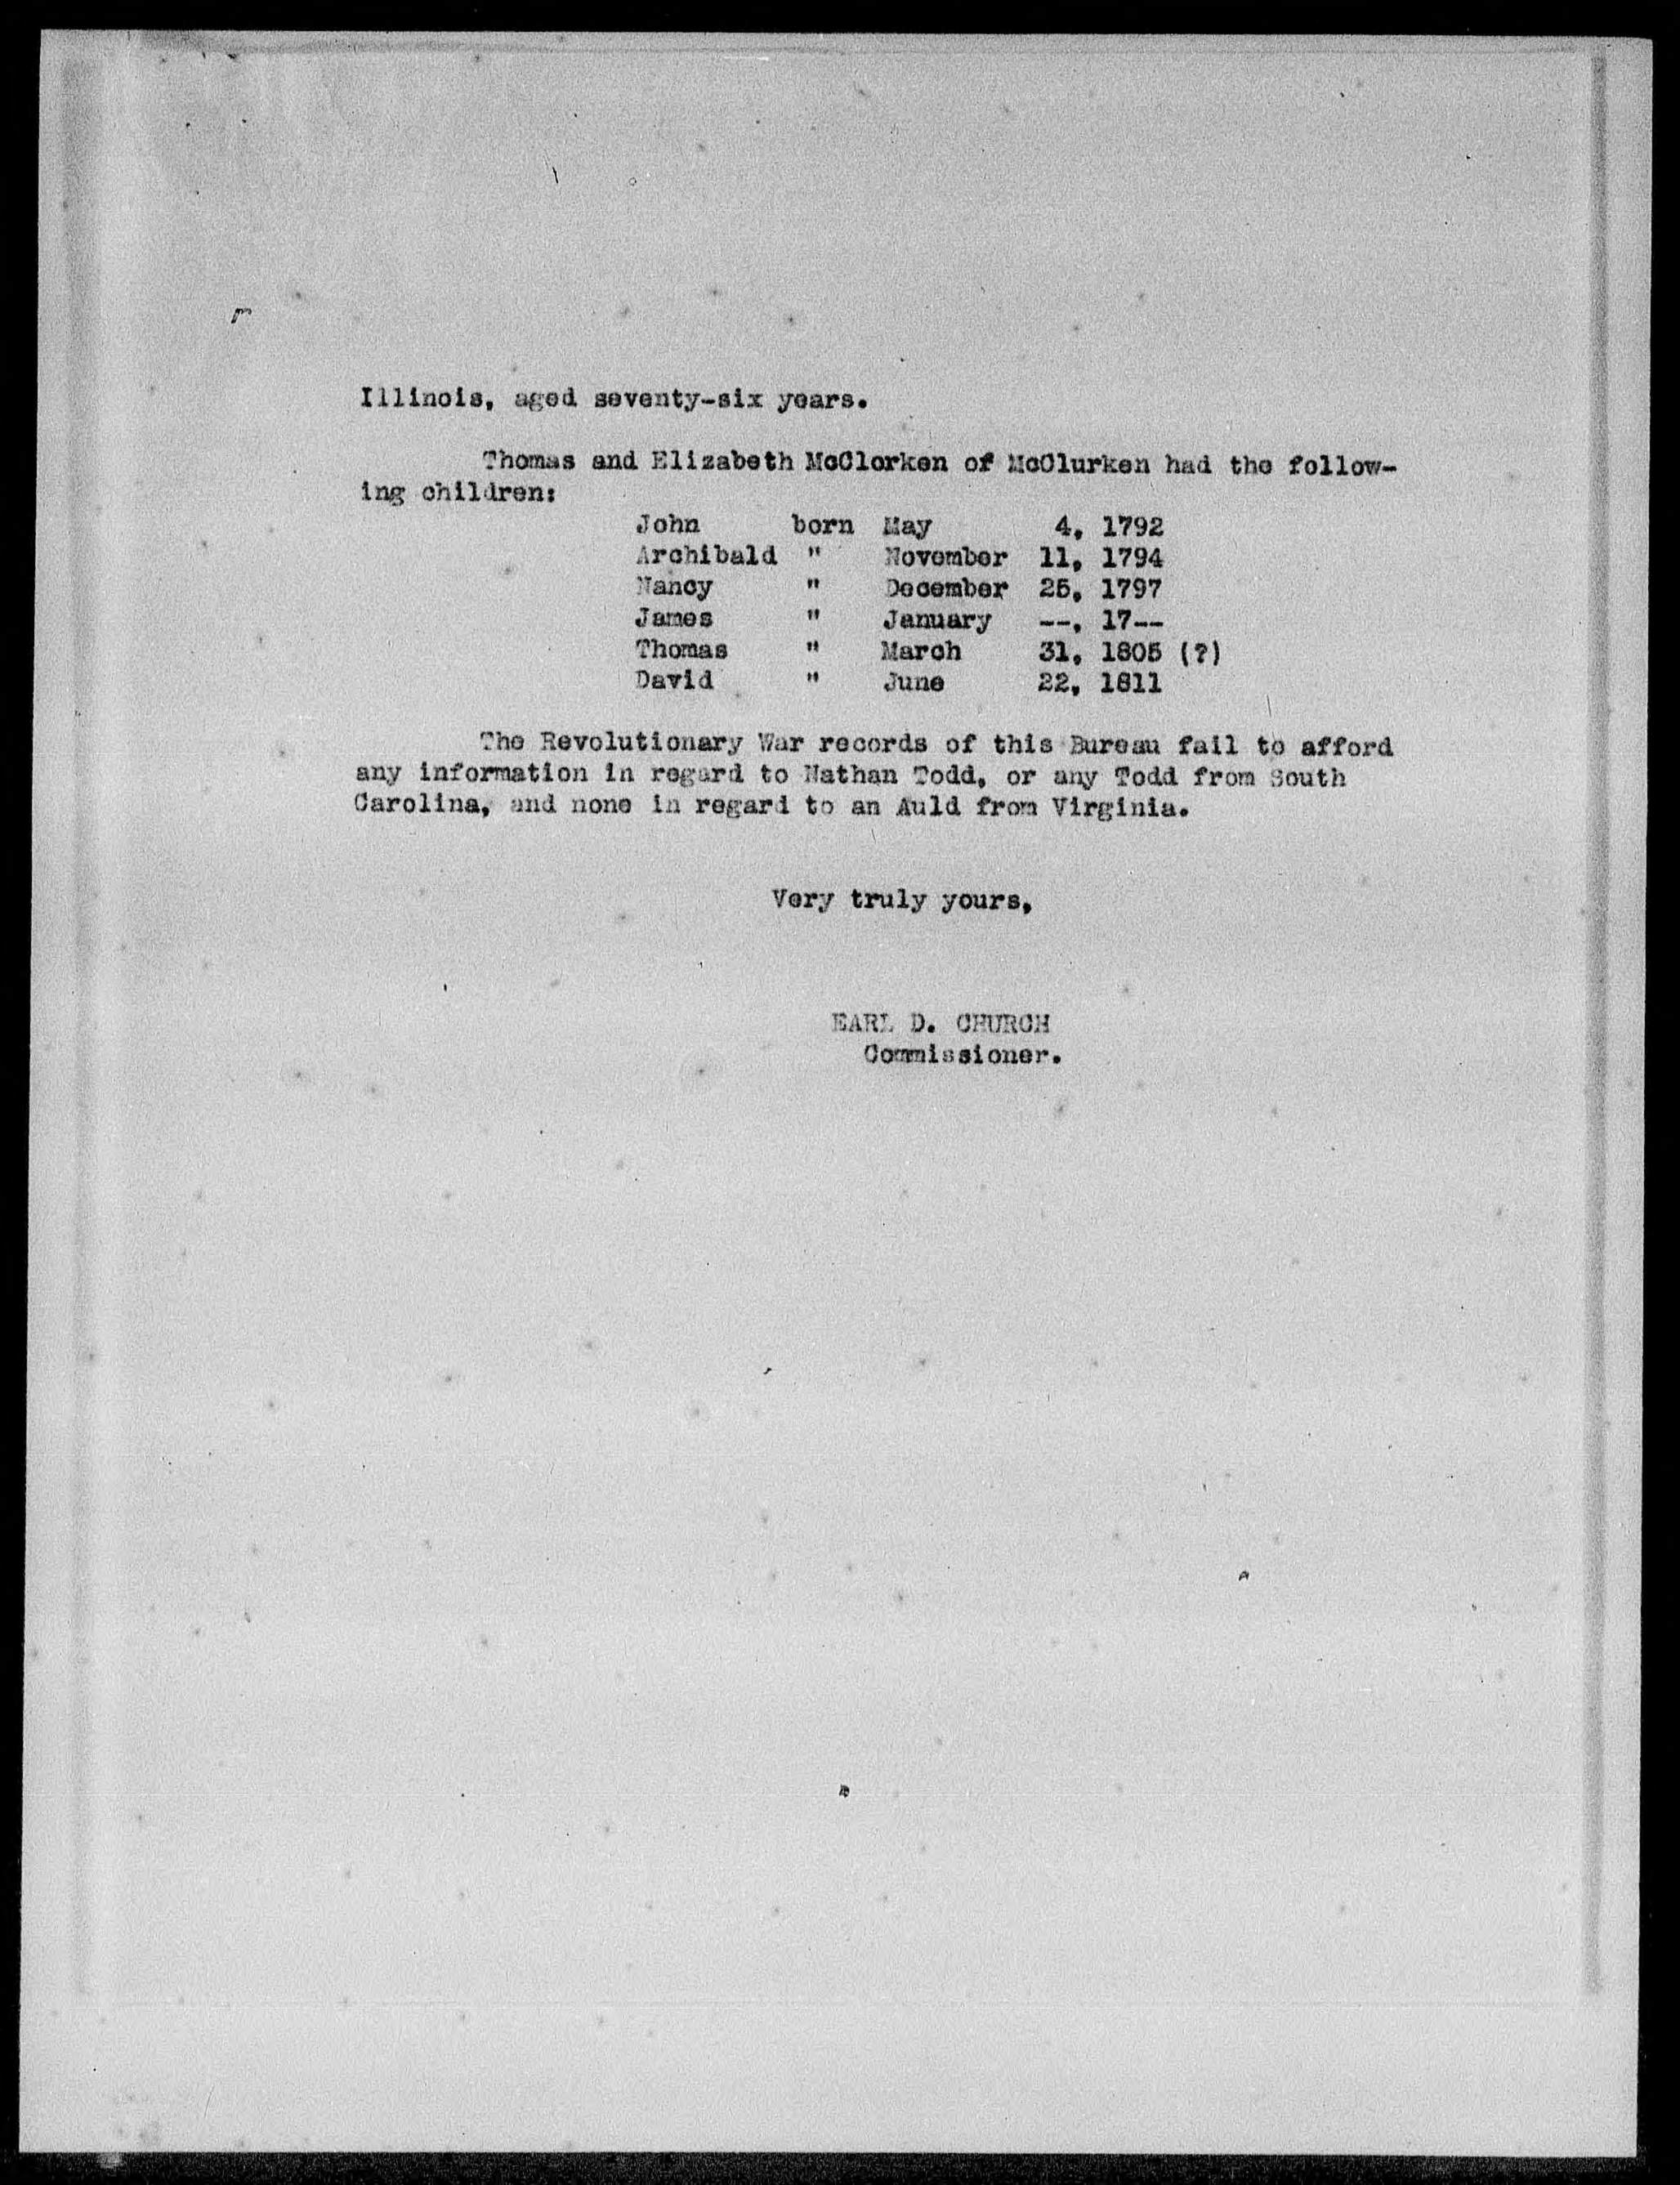Illinois, aged seventy-six years. 

Thomas and Elizabeth McClorken or McClurken had the following children:

John born May 4, 1792
Archibald " November 11, 1794
Nancy " December 25, 1797
James " January, ,17--
Thomas " March 31, 1805 (?)
David " June 22, 1811

The Revolutionary War records of this Bureau fail to afford any information in regard to Nathan Todd. or any Todd from South Carolina, and none in regard to an Auld from Virginia.

Very truly yours,

EARL D. CHURCH
Commissioner.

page: 93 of 93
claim: widow's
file: W. 21792, for Thomas Mc Clurken, South Carolina